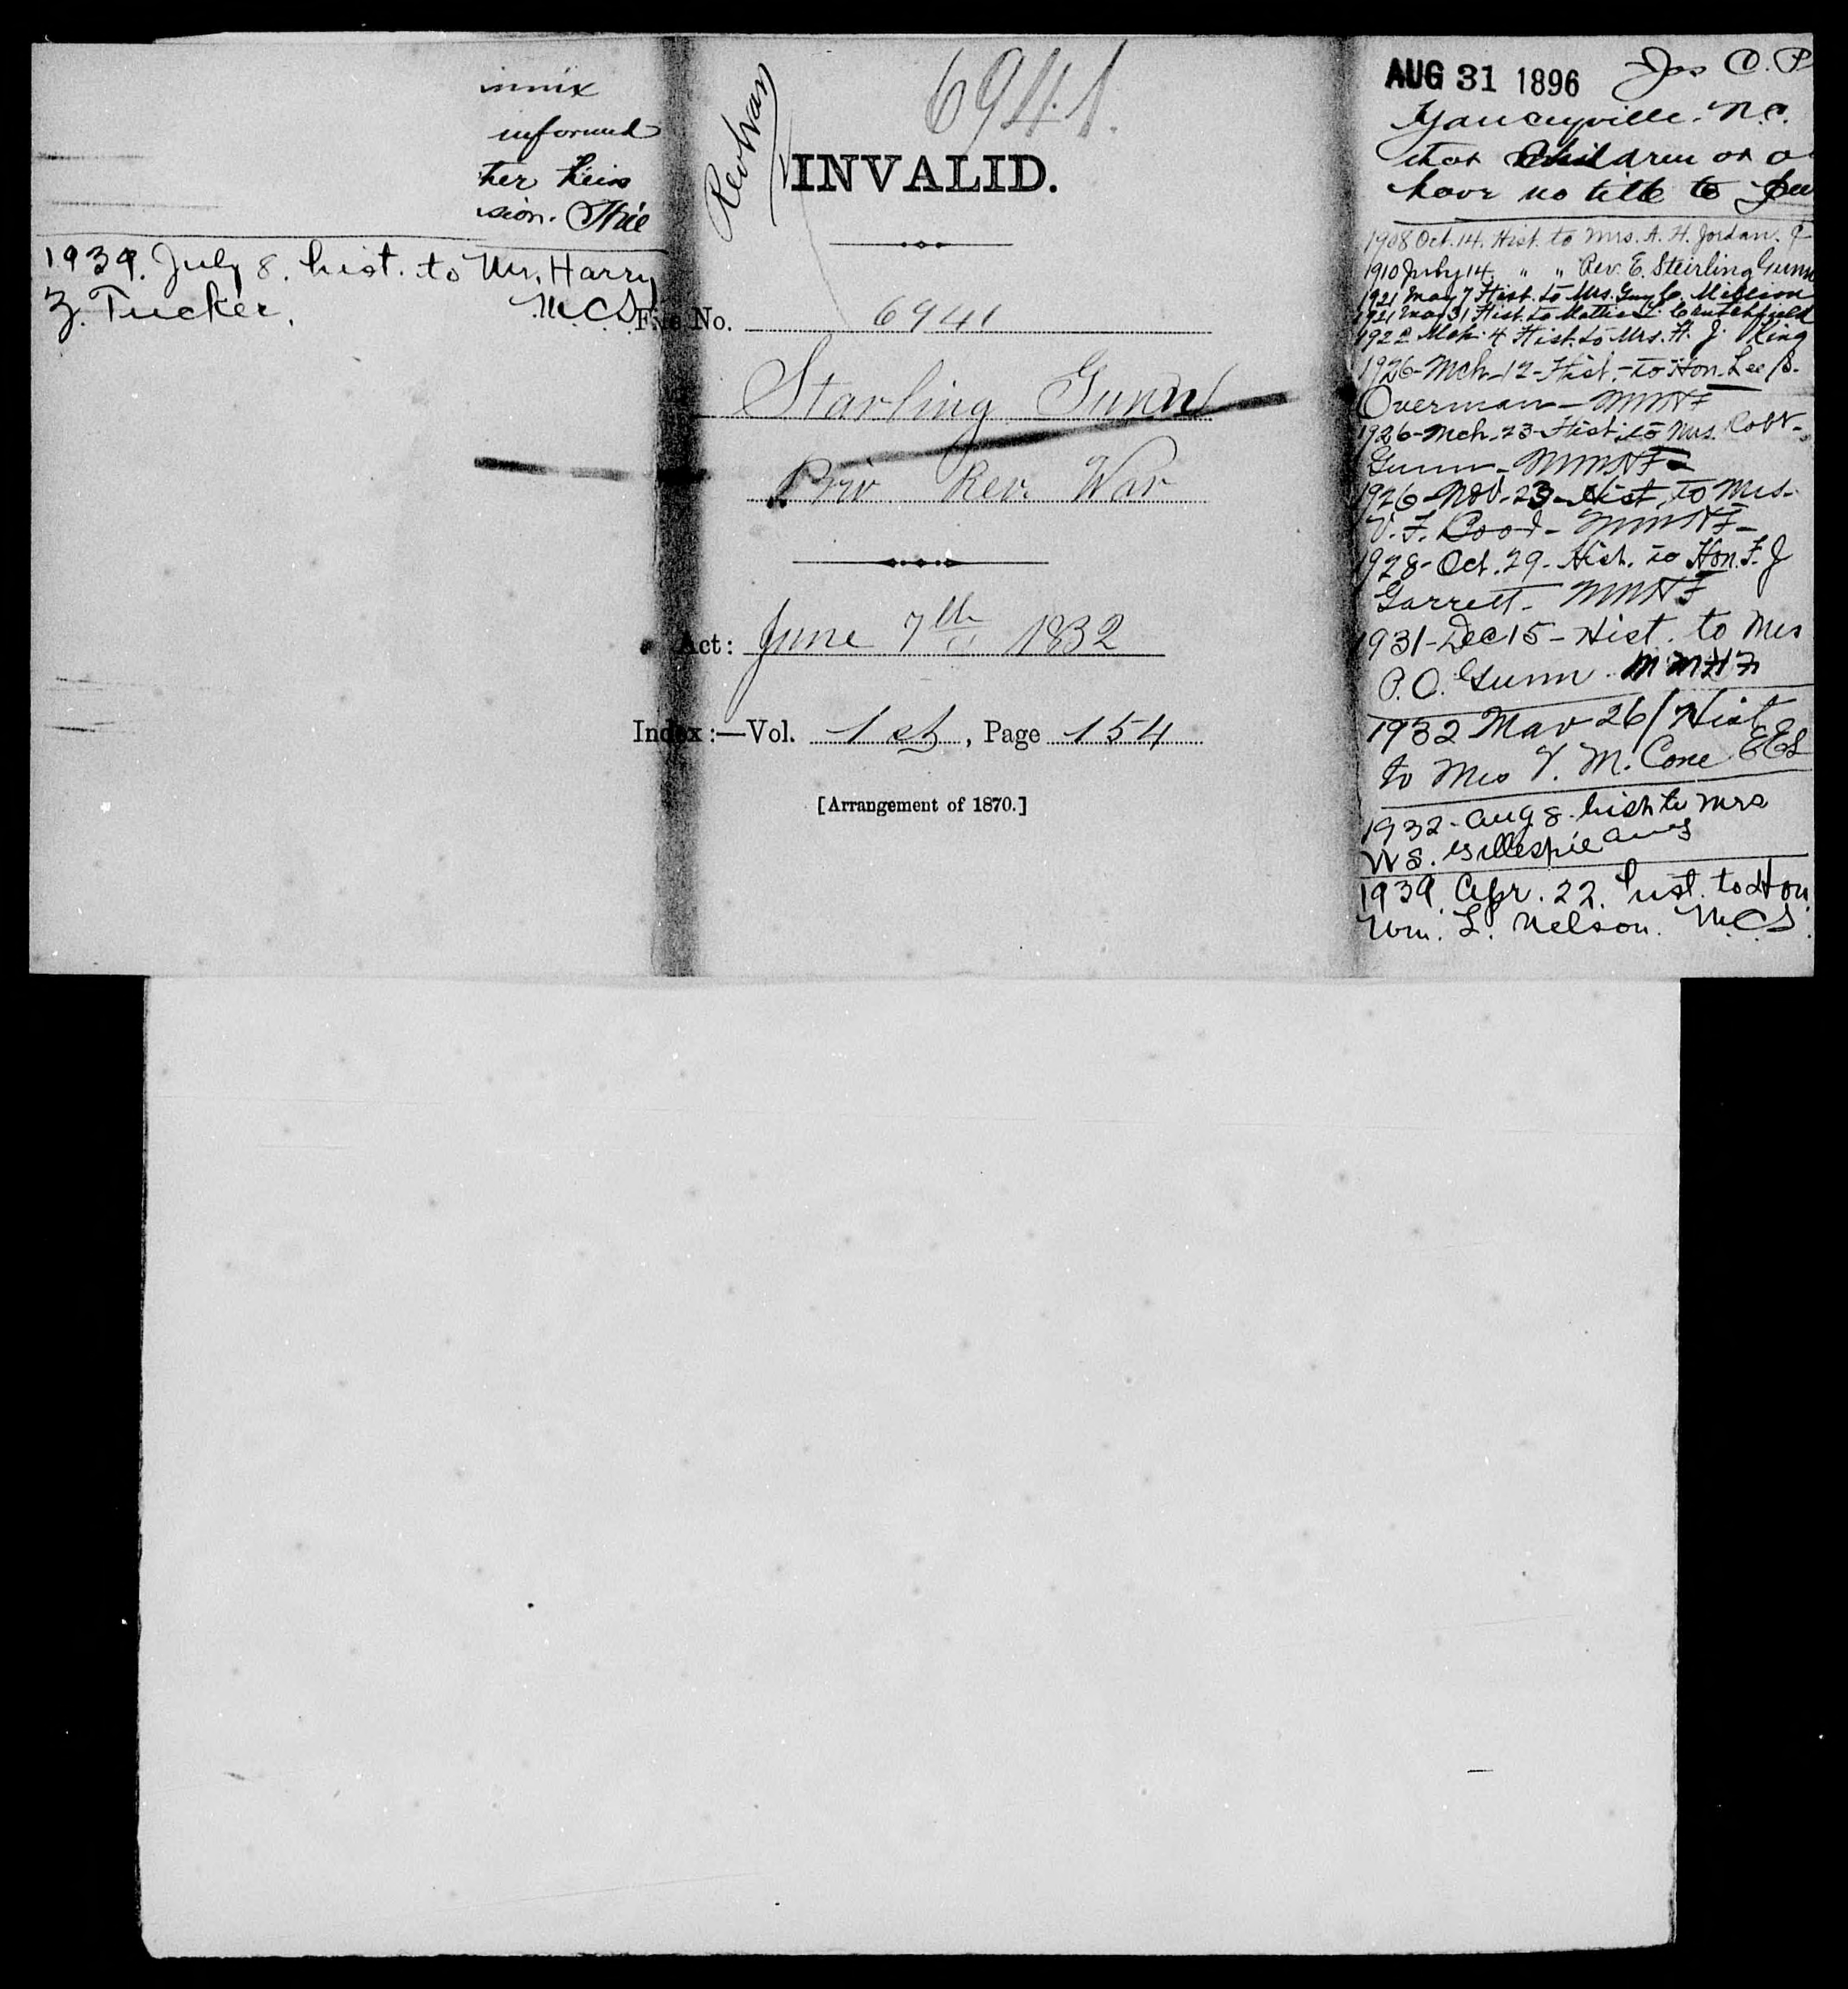Rev War  6941.
INVALID.
No. 6941
Starling Gunn  Priv Rev. War 
Act: June 7th 1832
Index:—Vol. 1st, Page 154
[Arrangement of 1870.]

[Stamp:] AUG 31 1896
Jos C. Pinnix
Yanceyville, N.C. informed
that children or other heirs have no title to pension.  [Illegible]

1908 Oct. 14. Hist. to Mrs. A.H. Jordan. ¢
1910 Jany 14.  Hist to Rev. E. Sterling Gunn
1921 May 7 Hist. to Mrs. Guy C. Millson
1921 May 31 Hist. to Hattie L. Crutchfield
1922 Mch. 4 Hist. to Mrs. H.J. King
1926 Mch 12 Hist. to Hon. Lee S. Overman—MMNF
1926 Mch. 23 Hist. to Mrs. Robt. Gunn. MMNF.
1926 Nov. 23 Hist. to Mrs. V.F. Bood. MMNF.
1928 Oct. 29 Hist to Hon. F.J. Garrett. MMNF
1931 Dec 15 Hist. to Mrs. P.O. Gunn. MMNF
1932 Mar 26 / Hist to Mrs T.M. Cone  EES
1932 Aug 7. hist to Mrs WS. Gillespie auf
1939. Apr. 22. hist. to Hon. Wm. L. Nelson.  M.C.S.
1939. July 8. hist. to Mr. Harry Z. Tucker. M.C.S.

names: Wm L Nelson, P O Gunn, F J Garrett, A H Jordan, Guy C Million, Lee S Overman, Starling Gunn, W S Gillespie, Harry Z Tucker, V M Cone, Robt Gunn, V F Boor, H J King, E Steirling Gunn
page: 20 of 58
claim: survivor's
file: S. 6,941, Starling Gunn, Continental Va.